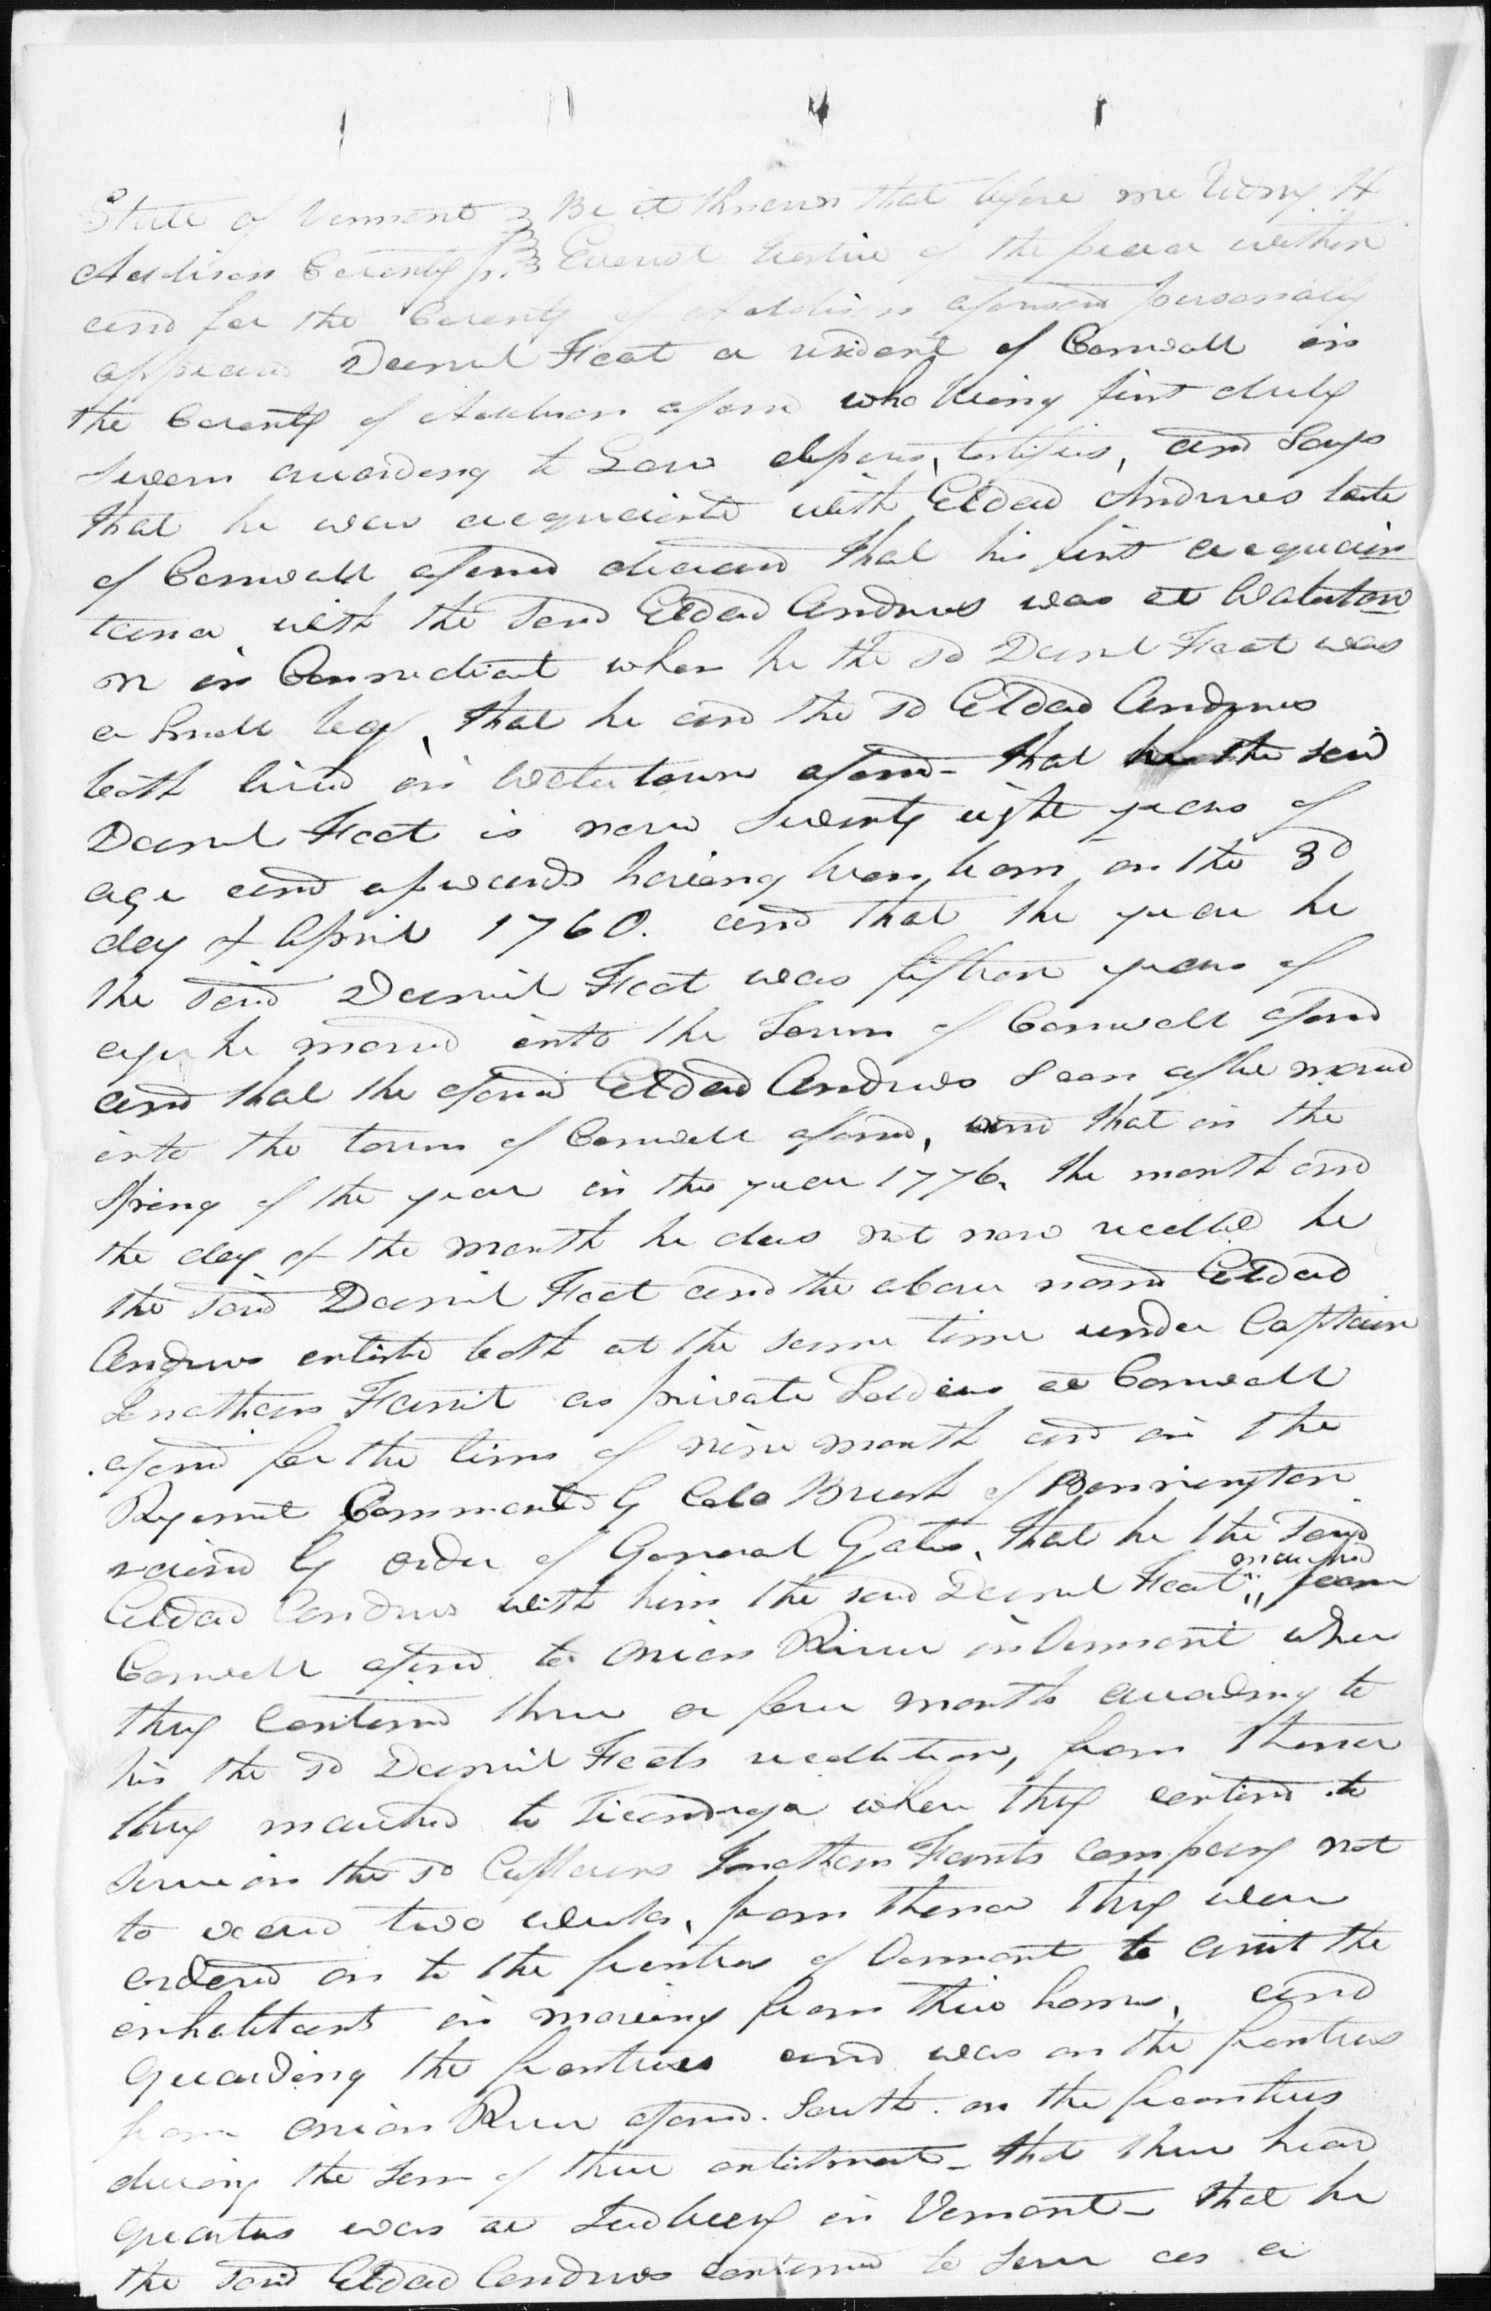State of Vermont}
Addison County ss.} 
Be it known that before me Thom H. Everest
Justice of the peace within and for the County of Addison is aforesaid personally appeared Danl Feat a resident of Cornell the County of Addison aforesaid who being first duly seen according to Gen Elseus, testifies, and says
that he was acquainted with Eldad Andrews late
of Cornell aforesaid deceased that his first acquainted with the send Eldad Andrews was at Watertown on in Connecticut when he the said Danl Feat that was a knoll leg, that he can the said Eldad Andrus both lived in Watertown afore said that he the said Danl Fact is now seventy eight years of age and aforesaid [Zereieng] was born on the 30 day of April 1760. And that the year he the said Danl Feat was fifteen years of
he married into the Town of Cornell and
and that the said deed Andrew Son of the and
into the town of Cornwall afore and that in the
spring of the year in the year 1776. The month and the day of the month he does not now recalled the said Daniel Feat and the above named Eldad Andrews enlisted both at the same time under Captain Jonathan Frank as private soldier at Cornell and for the time of nine month and on the recent Comments by Col. Briest Bennington raised by order of General Gates. that he the said Eldad Andrews with him the said Danl Feat.

Cornell enter to union River interment when thru confession three or four months according to
his the said Daniel Feats recollection, form thence they marched to Ticondiga when they certain to serve on the said Captain Jonathan Frank's Company not to exceed two weeks, from thence they were ordered on to the friends of Vermont to exist the inhabitants in moving from their home and guarding the frontiers and was on the frontiers Union River aforesaid South on the frontier him during the sum of these enlistment- that then hear quarter was as he been in Vermont- that he the said Eldad Andrews confession to Jesse ces a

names: Danl Feat, Daniel Feat, Briest, Eldad Andrws, Danl Feet, Gates, Danl Feat, Eldad Andrws, Danel Feat, Eldad Andrus, Eldad Andrws, Eldad Andrws, Eldad Andrws, Eldad Andrus, Daniel Feat, Daniel Feets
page: 5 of 27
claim: rejected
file: R. 223, Eldad Andrus, Vt.